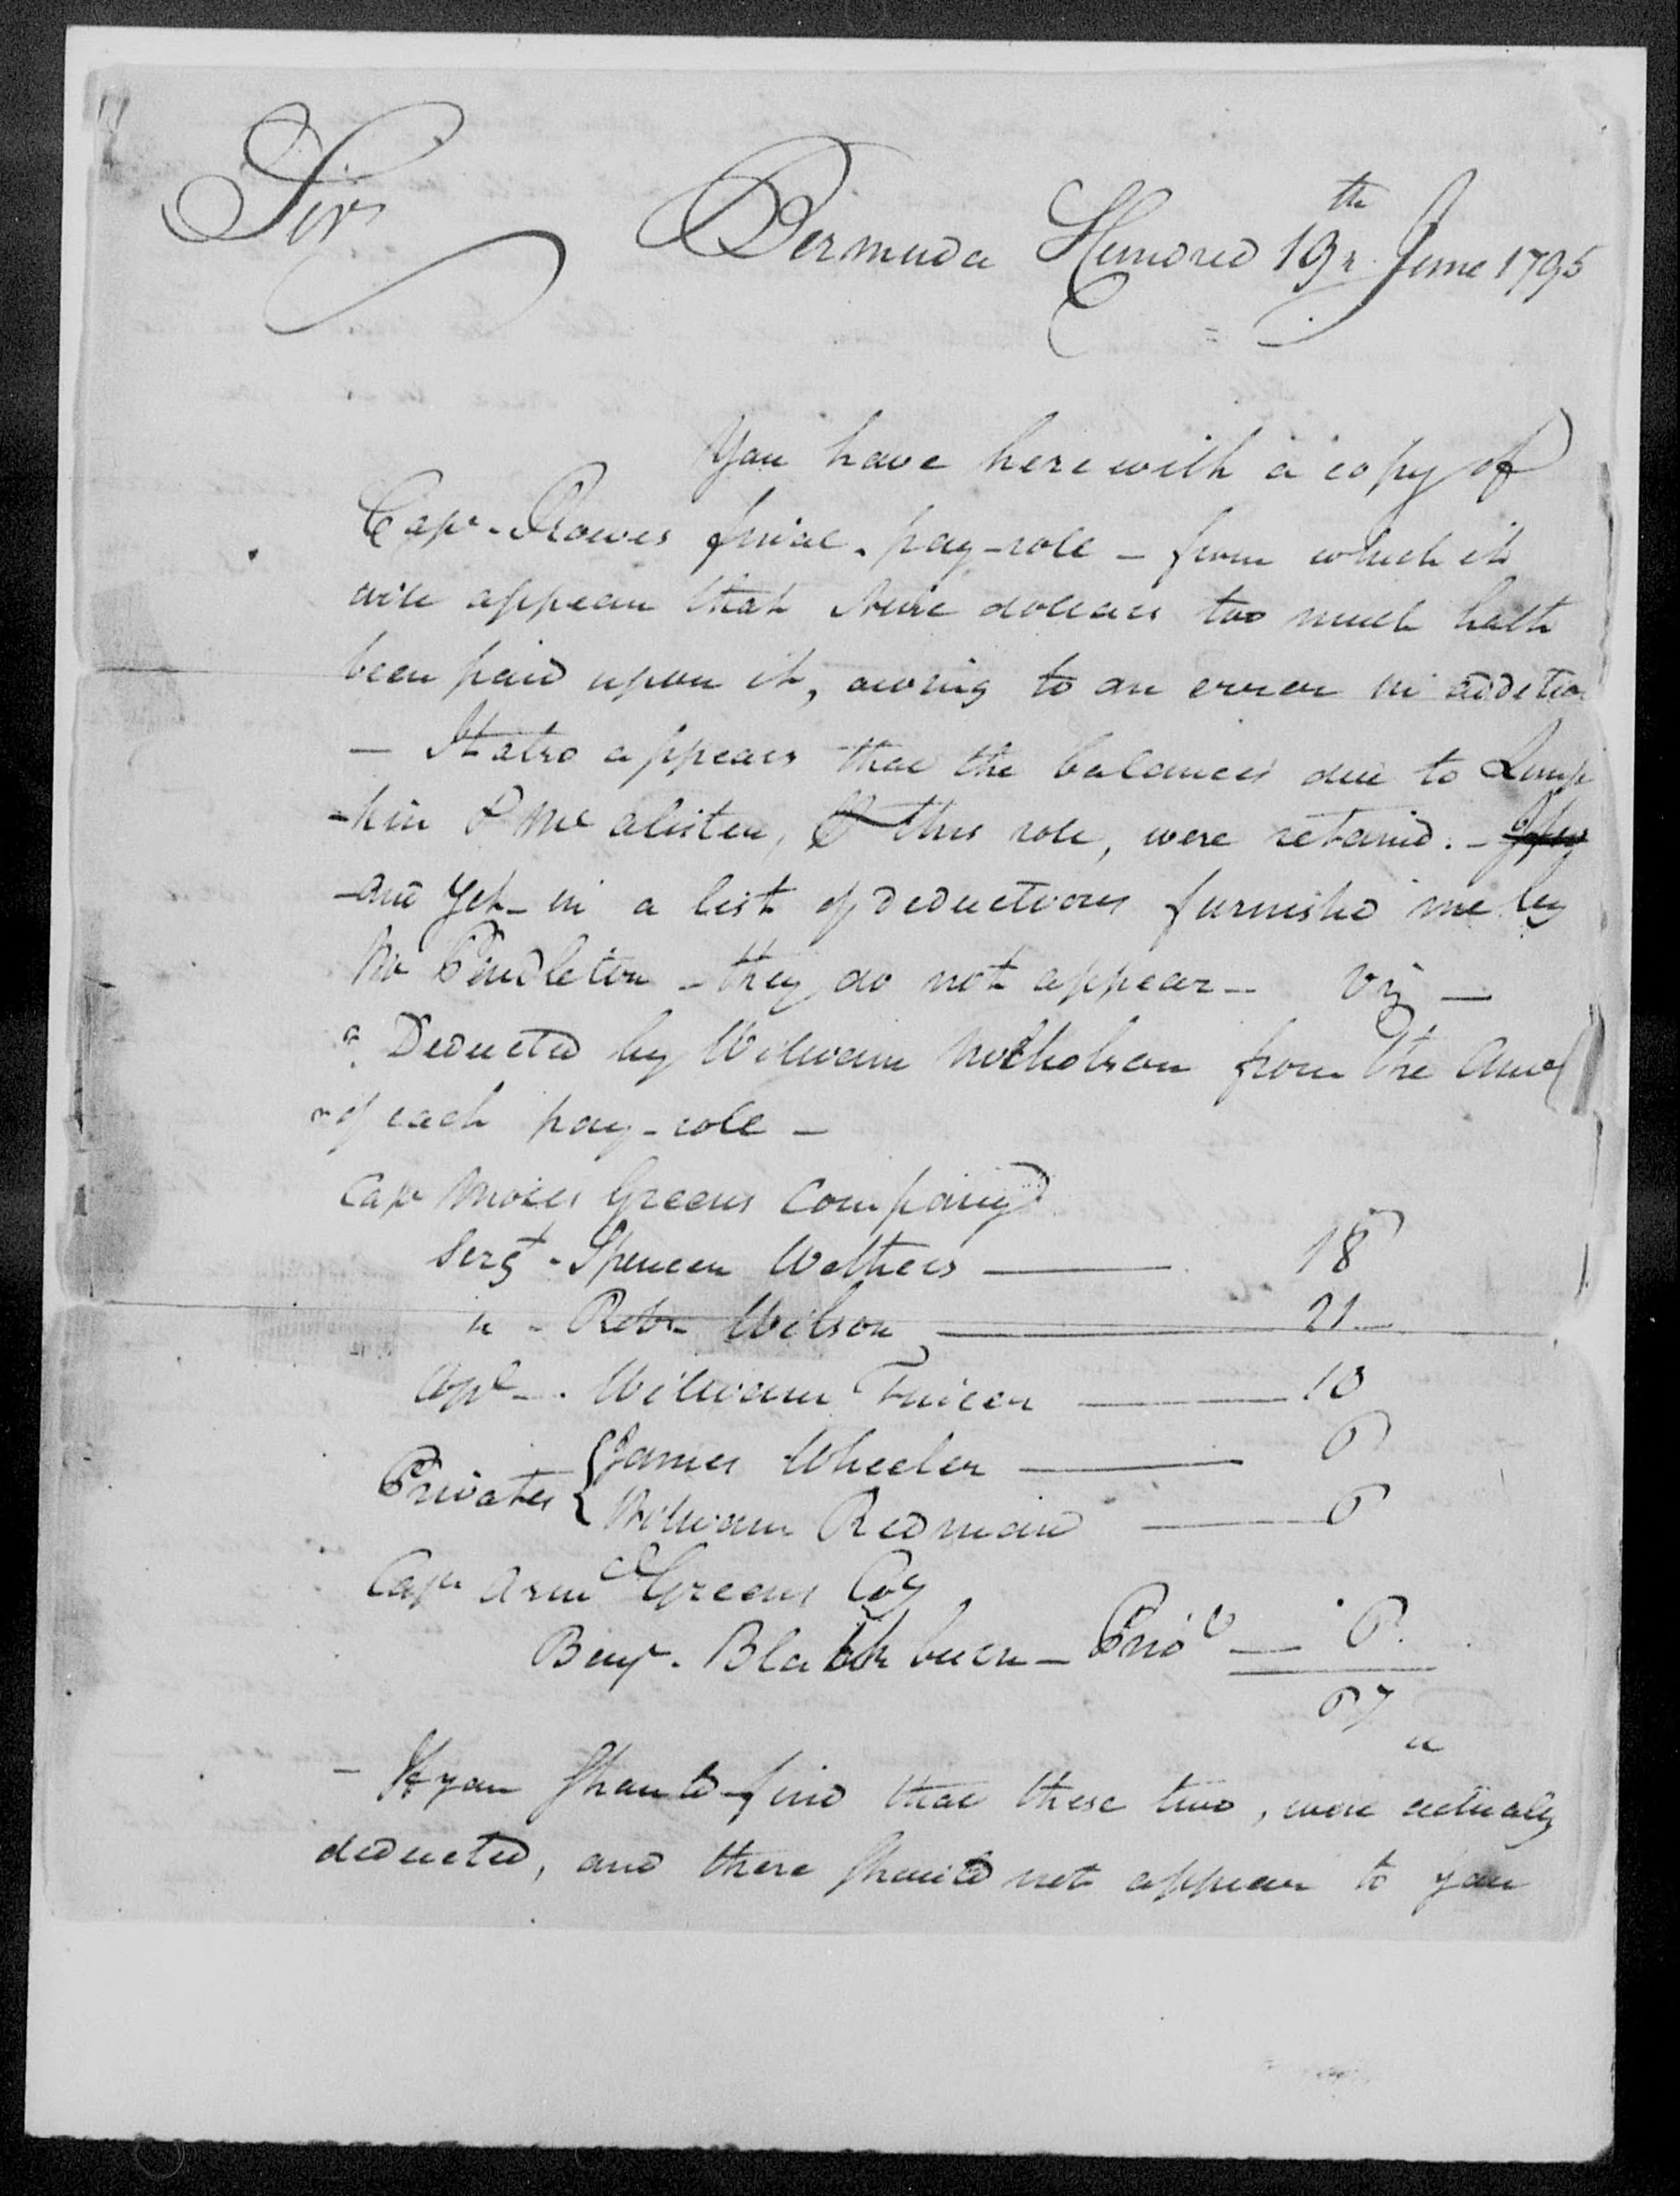Bermuda Hundred  the 19 June 1795

Sir

You have herewith a copy of Capt. Cowes final pay-roll from which it will appear than nine dollars too much hath been paid upon it, owing to an error in addition.  It also appears that the balance due to Lumpkin & McAlister in this roll, were retained and yet in a list of deductions furnished me by Mr. Pendleton they do not appear - Viz - deducted by William Nothoban from the [illegible of each pay-roll - 
Captain Moses Green's Company
Sergt. Spencer Wethers                   18
Sergt. Robt. Wilson                           21
Corl. William Tincer                          10
Privates James Wheeler                     6
Private William Redman                     6
Capt. Armo. Greens comp
Benj Blackburn  [illegible]                  6

                                                            67

If you shan to find that these two, were actually deducted, and there shant to not appear to you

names: Spencer Wethers, Benje Blackbum, Pendleton, Robt Wilson, William Redman, Cowes, James Wheeler, Arml Greene, William Nothoban, William Tincer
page: 243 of 267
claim: widow's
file: W. 4,149, William Campbell, Va.